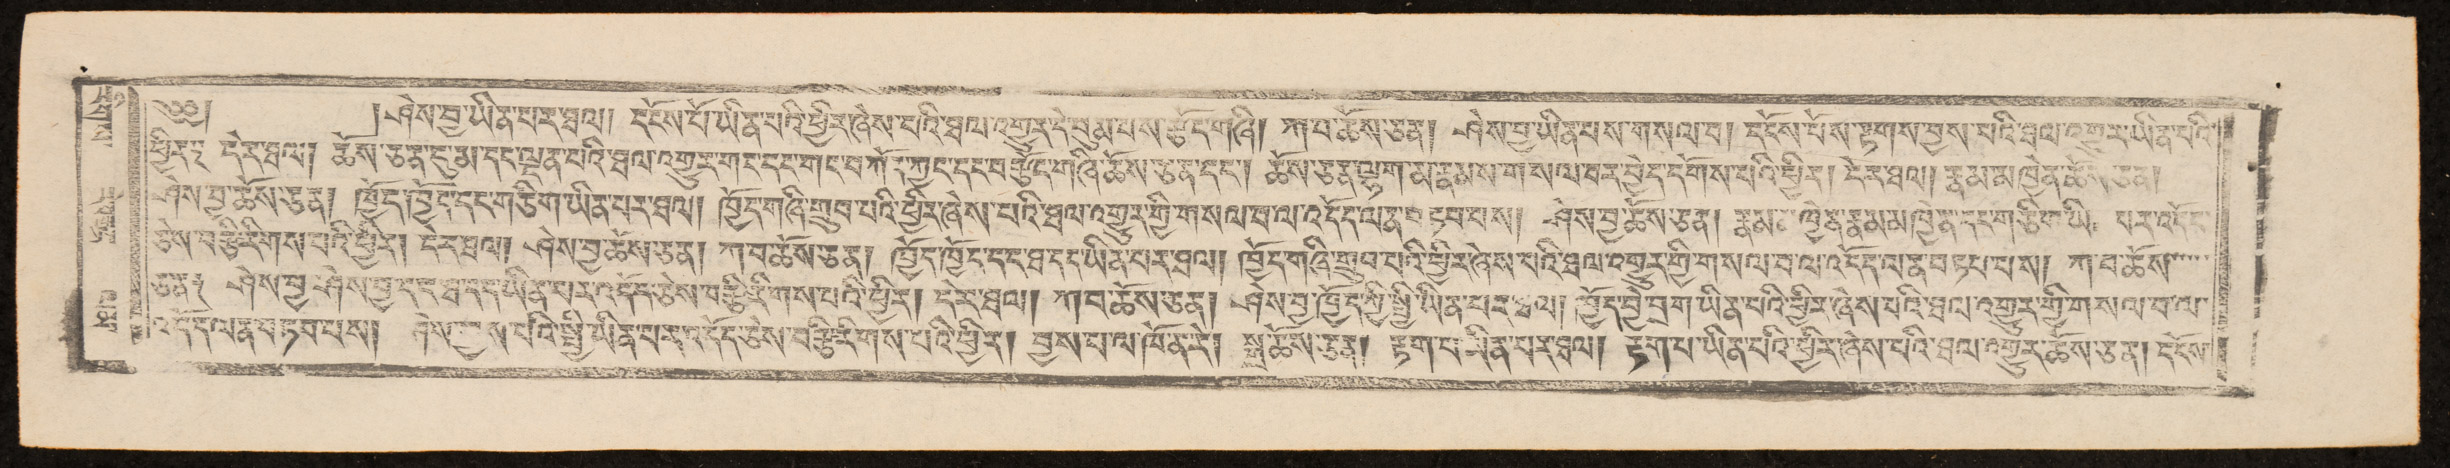༄༅། །ཤེས་བྱ་ཡིན་པར་ཐལ། དངོས་པོ་ཡིན་པའི་ཕྱིར་ཞེས་པའི་ཐལ་འགྱུར་དེ་བུམ་པས་རྩོད་གཞི། ཀ་བ་ཆོས་ཅན། ཤེས་བྱ་ཡིན་པས་གསལ་བ། དངོས་པོས་རྟགས་བྱས་པའི་ཐལ་འགྱུར་ཡིན་པའི་
ཕྱིར། དེར་ཐལ། ཆོས་ཅན་དུ་མ་དང་ལྡན་པའི་ཐལ་འགྱུར་གང་དང་གང་བཀོད་ཀྱང་དང་པོ་རྩོད་གཞི་ཆོས་ཅན་དང་། ཆོས་ཅན་ལྷག་མ་རྣམས་གསལ་བར་བྱེད་དགོས་པའི་ཕྱིར། དེར་ཐལ། རྣམ་མཁྱེན་ཆོས་ཅན།
ཤེས་བྱ་ཆོས་ཅན། ཁྱོད་ཁྱོད་དང་གཅིག་ཡིན་པར་ཐལ། ཁྱོད་གཞི་གྲུབ་པའི་ཕྱིར་ཞེས་པའི་ཐལ་འགྱུར་གྱི་གསལ་བ་ལ་འདོད་ལན་བཏབ་པས། ཤེས་བྱ་ཆོས་ཅན། རྣམ་མཁྱེན་རྣམ་མཁྱེན་དང་གཅིག་ཡིན་པར་འདོད་
ཅེས་བརྩི་རིགས་པའི་ཕྱིར། དེར་ཐལ། ཤེས་བྱ་ཆོས་ཅན། ཀ་བ་ཆོས་ཅན། ཁྱོད་ཁྱོད་དང་ཐ་དད་ཡིན་པར་ཐལ། ཁྱོད་གཞི་གྲུབ་པའི་ཕྱིར་ཞེས་པའི་ཐལ་འགྱུར་གྱི་གསལ་བ་ལ་འདོད་ལན་བཏབ་པས། ཀ་བ་ཆོས་
ཅན། ཤེས་བྱ་ཤེས་བྱ་དང་ཐ་དད་ཡིན་པར་འདོད་ཅེས་བརྩི་རིགས་པའི་ཕྱིར། དེར་ཐལ། ཀ་བ་ཆོས་ཅན། ཤེས་བྱ་ཁྱོད་ཀྱི་སྤྱི་ཡིན་པར་ཐལ། ཁྱོད་བྱེ་བྲག་ཡིན་པའི་ཕྱིར་ཞེས་པའི་ཐལ་འགྱུར་གྱི་གསལ་བ་ལ་
འདོད་ལན་བཏབ་པས། ཤེས་བྱ་ཀ་བའི་སྤྱི་ཡིན་པར་འདོད་ཅེས་བརྩི་རིགས་པའི་ཕྱིར། བྱས་པ་ལ་ཁོ་ན་རེ། སྒྲ་ཆོས་ཅན། རྟག་པ་ཡིན་པར་ཐལ། རྟག་པ་ཡིན་པའི་ཕྱིར་ཞེས་པའི་ཐལ་འགྱུར་ཆོས་ཅན། དངོས་